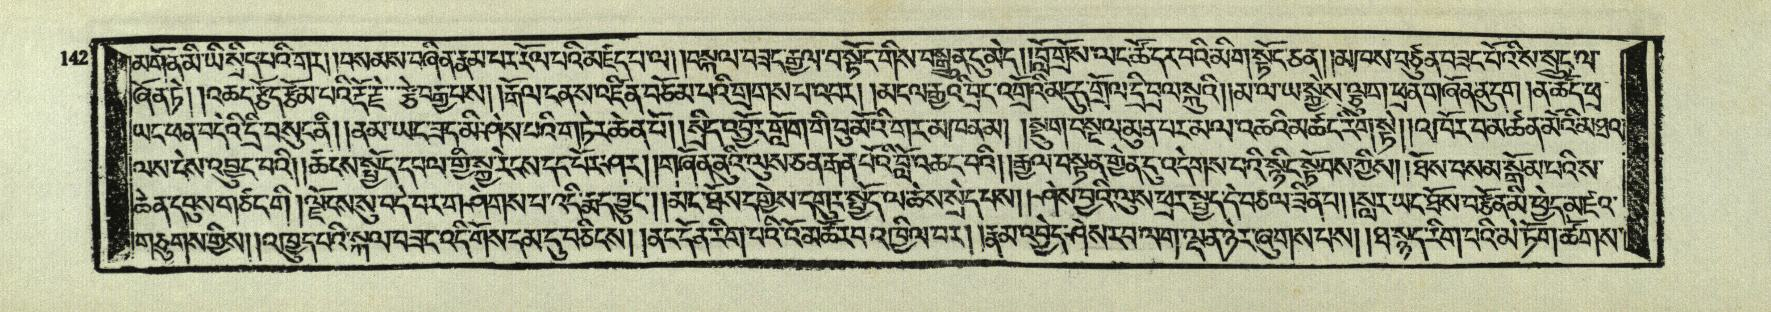མགོན་མི་ཡི་སྲིད་པའི་གར། །བསམས་བཞིན་རྣམ་པར་རོལ་པའི་མཛད་པ་ལ། །བསྐལ་བཟང་རྒྱལ་བ་སྟོང་གིས་བསྒྲུན་དུ་མེད། །བློ་གྲོས་ལང་ཚོ་དར་བའི་མིག་སྟོང་ཅན། །མཁས་བཙུན་བཟང་པོའི་ས་སྲུང་ལ་
ཞོན་ཏེ། །འཆད་རྩོད་རྩོམ་པའི་རྡོ་རྗེ་རྩེ་བརྒྱ་པས། །རྒོལ་ངན་ས་འཛིན་བཅོམ་པའི་གྲགས་པ་འབར། །མངལ་རྒྱའི་བྲང་འགྲོའི་མདུད་གྲོལ་དྲི་བྲལ་སྐུའི། །མ་ལ་ཡ་སྐྱེས་ལྕུག་ཕྲན་གཞོན་ནུ་དག །ན་ཚོད་ཕྲ་
ཡང་ཕན་བདེའི་དྲི་བསུང་ནི། །ནམ་ཡང་ཟད་མི་ཤེས་པའི་གཏེར་ཆེན་པོ། །སྲིད་འབྱོར་གློག་གི་བུ་མོའི་གར་མཁན་མ། །སྡུག་བསྔལ་མུན་པར་མལ་འཆའི་མཚང་རིག་སྟེ། །འཁོར་བ་མཚན་མོའི་མཐའ་
ལས་ངེས་འབྱུང་བའི། །ཚངས་སྤྱོད་དཔལ་གྱི་སྐྱ་རེངས་དང་པོར་ཤར། །གཞོན་ནུའི་ལུས་ཅན་རྒན་པོའི་བློ་འཆང་བའི། །རྒྱལ་བསྟན་གྱེན་དུ་འདེགས་པའི་སྙིང་སྟོབས་ཀྱིས། །ཐོས་བསམ་སྒོམ་པའི་ས་
ཆེན་དབུས་གཙང་གི །ལྗོངས་སུ་བདེ་བར་གཤེགས་པ་འདི་རྨད་བྱུང་། །མང་ཐོས་དགྱེས་དགུར་སྤྱོད་ལ་ཆེས་སྲེད་པས། །ཤེས་བྱའི་ལུས་ཕྲར་སྤྱད་དེ་བཅལ་ཟིན་པ། །སླར་ཡང་ཐོས་བརྩོན་མི་ཕྱེད་མཛའ་
གཅུགས་གྱིས། །འཁྱུད་པའི་སྐལ་བཟང་འདི་གོས་དམ་དུ་བཅིངས། །ནང་དོན་རིག་པའི་འོ་མཚོར་བ་འཁྱིལ་བར། །རྣམ་འབྱེད་ཤེས་རབ་ལག་ལྡན་ཉེར་ཞུགས་པས། །ཐ་སྙད་རིག་པའི་མེ་ཏོག་ཚོགས་